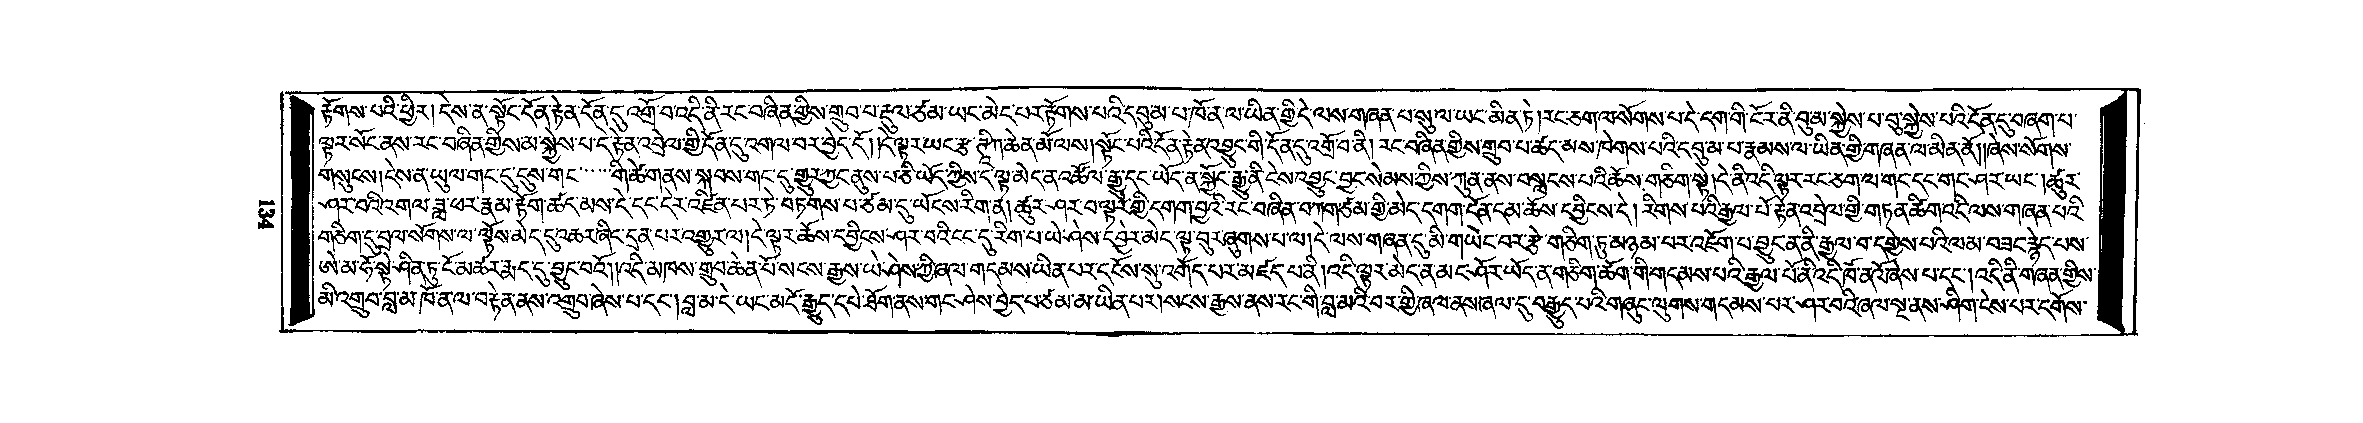རྟོགས་པའི་ཕྱིར། དེས་ན་སྟོང་དོན་རྟེན་དོན་དུ་འགྲོ་བ་འདི་ནི་རང་བཞིན་གྱིས་གྲུབ་པ་རྡུལ་ཙམ་ཡང་མེད་པར་རྟོགས་པའི་དབུ་མ་པ་ཁོ་ན་ལ་ཡིན་གྱི་དེ་ལས་གཞན་པ་སུ་ལ་ཡང་མིན་ཏེ། རང་ཅག་ལ་སོགས་པ་དེ་དག་གི་ངོར་ནི་བུ་མ་སྐྱེས་པ་བུ་སྐྱེས་པའི་དོན་དུ་བཞག་པ་
ལྟར་སོང་ནས་རང་བཞིན་གྱིས་མ་སྐྱེས་པ་དེ་རྟེན་འབྲེལ་གྱི་དོན་དུ་འགལ་བར་བྱེད་དོ། །དེ་ལྟར་ཡང་རྩ་ཊཱིཀ་ཆེན་མོ་ལས། སྟོང་པའི་དོན་རྟེན་འབྱུང་གི་དོན་དུ་འགྲོ་བ་ནི། རང་བཞིན་གྱིས་གྲུབ་པ་ཚད་མས་ཁེགས་པའི་དབུ་མ་པ་རྣམས་ལ་ཡིན་གྱི་གཞན་ལ་མིན་ནོ། །ཞེས་སོགས་
གསུངས། དེས་ན་ཡུལ་གང་དུ་དུས་གང་གི་ཚེ་གནས་སྐབས་གང་དུ་གྱུར་ཀྱང་ནུས་པ་ཅི་ཡོད་ཀྱིས་ད་ལྟ་མེད་ན་འཚོལ་རྒྱུ་དང་ཡོད་ན་སྐྱོང་རྒྱུ་ནི་ངེས་འབྱུང་བྱང་སེམས་ཀྱིས་ཀུན་ནས་བསླངས་པའི་ཆོས་གཅིག་སྟེ། དེ་ནི་འདི་ལྟར་རང་ཅག་ལ་གང་དང་གང་ཤར་ཡང་། ཚུར་
ཤར་བའི་འགལ་ཟླ་ཕར་རྣམ་རྟོག་ཚད་མས་དེ་དང་དེར་འཛིན་པར་ཏེ་བཏགས་པ་ཙམ་དུ་ཡོངས་རིག་ན། ཚུར་ཤར་བ་ལྟར་གྱི་དགག་བྱའི་རང་བཞིན་བཀག་ཙམ་གྱི་མེད་དགག་དོན་དམ་ཆོས་དབྱིངས་དེ། རིགས་པའི་རྒྱལ་པོ་རྟེན་འབྲེལ་གྱི་གཏན་ཚིག་འདི་ལས་གཞན་པའི་
གཅིག་དུ་བྲལ་སོགས་ལ་ལྟོས་མེད་དུ་འཆར་ཞིང་དྲན་པར་འགྱུར་ལ། དེ་ལྟར་ཆོས་དབྱིངས་ཤར་བའི་ངང་དུ་རིག་པ་ཡེ་ཤེས་དབྱེར་མེད་ལྟ་བུར་ཞུགས་པ་ལ། དེ་ལས་གཞན་དུ་མི་གཡེང་བར་རྩེ་གཅིག་ཏུ་མཉམ་པར་འཇོག་པ་བྱུང་ན་ནི་རྒྱལ་བ་དགྱེས་པའི་ལམ་བཟང་རྙེད་པས་
ཨེ་མ་ཧོ་སྟེ་ཤིན་ཏུ་ངོ་མཚར་རྨད་དུ་བྱུང་བའོ། །འདི་མཁས་གྲུབ་ཆེན་པོ་སངས་རྒྱས་ཡེ་ཤེས་ཀྱི་ཞལ་གདམས་ཡིན་པར་དངོས་སུ་འགོད་པར་མཛད་པ་ནི། འདི་ལྟར་མེད་ན་མང་ཤོར་ཡོད་ན་གཅིག་ཆོག་གི་གདམས་པའི་རྒྱལ་པོ་ནི་འདི་ཁོ་ནའོ་ཞེས་པ་དང་། འདི་ནི་གཞན་གྱིས་
མི་འགྲུབ་བླ་མ་ཁོ་ན་ལ་བརྟེན་ནས་འགྲུབ་ཞེས་པ་དང་། བླ་མ་དེ་ཡང་མདོ་རྒྱུད་དཔེ་ཐོག་ནས་གང་ཤེས་བྱེད་པ་ཙམ་མ་ཡིན་པར། སངས་རྒྱས་ནས་རང་གི་བླ་མའི་བར་གྱི་ཞལ་ནས་ཞལ་དུ་བརྒྱུད་པའི་གཞུང་ལུགས་གདམས་པར་ཤར་བའི་ཞལ་སྔ་ནས་ཤིག་ངེས་པར་དགོས་